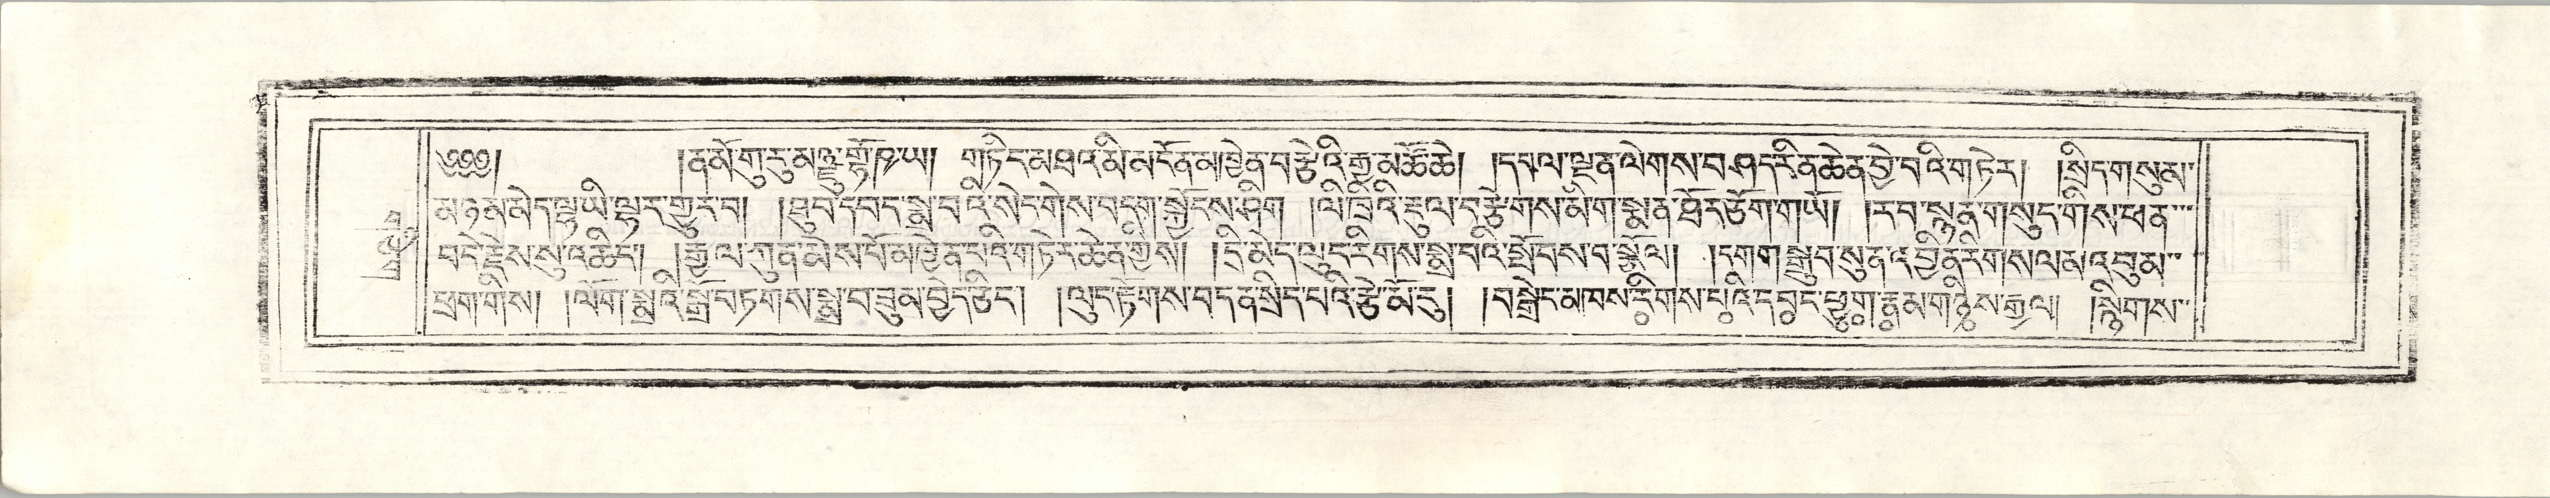༄༅༅། །ན་མོ་གུ་རུ་མཉྫུ་གྷོ་ཥ་ཡ། གཏིང་མཐའ་མི་མངོན་མཁྱེན་བརྩེའི་རྒྱ་མཚོ་ཆེ། །དཔལ་ལྡན་ལེགས་བཤད་རིན་ཆེན་བྱེ་བའི་གཏེར། །སྲིད་གསུམ་
མཉམ་མེད་ལྷ་ཡི་ལྷར་གྱུར་བ། །ཐུབ་དབང་སྨྲ་བའི་སེང་གེས་བདག་སྐྱོངས་ཤིག །ལི་ཁྲིའི་རྡུལ་བརྩེགས་མིག་སྨན་ཐོར་ཅོག་གཡོ། །རབ་སྙན་གསུང་གིས་ཕན་
བདེ་རྗེས་སུ་འཆིང་། །རྒྱལ་ཀུན་མེས་པོ་མཁྱེན་པའི་གཏེར་ཆེན་གྱིས། །དྲི་མེད་ལུང་རིགས་སྨྲ་བའི་སྤོབས་པ་སྩོལ། །དགག་སྒྲུབ་སུན་འབྱིན་རིགས་ལམ་འབུམ་
ཕྲག་གིས། །ལོག་སྨྲའི་སྒྲོ་བཏགས་སྨྲ་བ་ཟུམ་བྱེད་ཅིང་། །ལུང་རྟོགས་བ་དན་སྲིད་པའི་རྩེ་མོ་རུ། །བསྒྲེང་མཁས་རིགས་པའི་དབང་ཕྱུག་རྣམ་གཉིས་རྒྱལ། །སྙིགས་